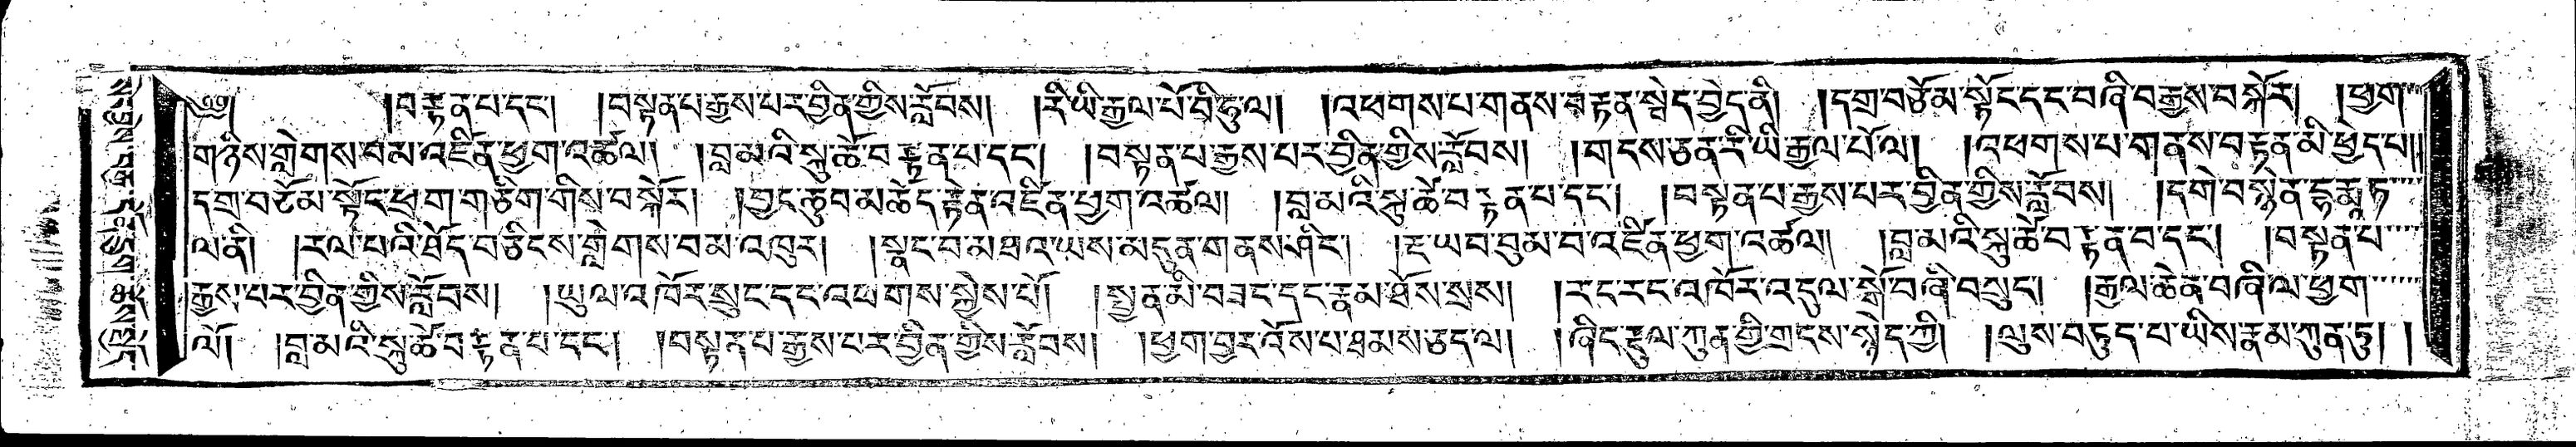༄༅། །བརྟན་པ་དང་། །བསྟན་པ་རྒྱས་པར་བྱིན་གྱིས་རློབས། །རི་ཡི་རྒྱལ་པོ་བི་ཧུ་ལ། །འཕགས་པ་གནས་བརྟན་སྦེད་བྱེད་ནི། །དགྲ་བཅོམ་སྟོང་དང་བཞི་བརྒྱས་བསྐོར། །ཕྱག་
གཉིས་གླེགས་བམ་འཛིན་ཕྱག་འཚལ། །བླ་མའི་སྐུ་ཚེ་བརྟན་པ་དང་། །བསྟན་པ་རྒྱས་པར་བྱིན་གྱིས་རློབས། །གངས་ཅན་རི་ཡི་རྒྱལ་པོ་ལ། །འཕགས་པ་གནས་བརྟན་མི་ཕྱེད་པ། །
དགྲ་བཅོམ་སྟོང་ཕྲག་གཅིག་གིས་བསྐོར། །བྱང་ཆུབ་མཆོད་རྟེན་འཛིན་ཕྱག་འཚལ། །བླ་མའི་སྐུ་ཚེ་བརྟན་པ་དང་། །བསྟན་པ་རྒྱས་པར་བྱིན་གྱིས་རློབས། །དགེ་བསྙེན་དྷརྨཱ་ཏ་
ལ་ནི། །རལ་པའི་ཐོད་བཅིངས་གླེགས་བམ་འཁུར། །སྣང་བ་མཐའ་ཡས་མདུན་གནས་ཤིང་། །རྔ་ཡབ་བུམ་པ་འཛིན་ཕྱག་འཚལ། །བླ་མའི་སྐུ་ཚེ་བརྟན་པ་དང་། །བསྟན་པ་
རྒྱས་པར་བྱིན་གྱིས་རློབས། །ཡུལ་འཁོར་སྲུང་དང་འཕགས་སྐྱེས་པོ། །སྤྱན་མི་བཟང་དང་རྣམ་ཐོས་སྲས། །རང་རང་འཁོར་འདུལ་སྒོ་བཞི་བསྲུང་། །རྒྱལ་ཆེན་བཞི་ལ་ཕྱག་འཚལ་
ལོ། །བླ་མའི་སྐུ་ཚེ་བརྟན་པ་དང་། །བསྟན་པ་རྒྱས་པར་བྱིན་གྱིས་རློབས། །ཕྱག་བྱར་འོས་པ་ཐམས་ཅད་ལ། །ཞིང་རྡུལ་ཀུན་གྱི་གྲངས་སྙེད་ཀྱི། །ལུས་བཏུད་པ་ཡིས་རྣམ་ཀུན་ཏུ། །